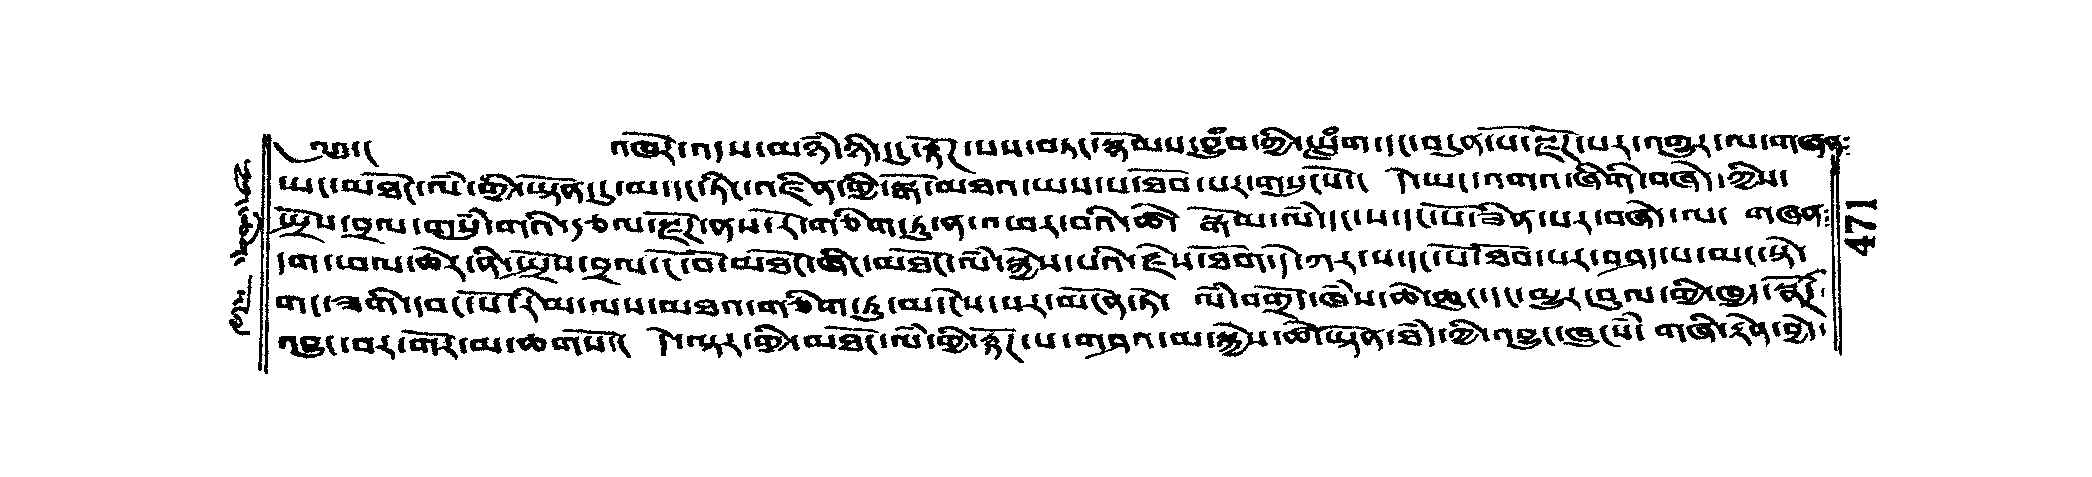འཁོར་འདས་མཉམ་ཉིད་དུ་རྟོགས་པས་བཏང་སྙོམས་བྱང་ཆུབ་ཀྱི་ཡན་ལག་དང་བདུན་པོ་རྫོགས་པར་གྱུར་ལ་གཞན་
ཡང་མཐོང་ལམ་གྱི་ཡོན་ཏན་དུ་མ་དང་ཏིང་འཛིན་གྱི་སྒོ་མཐའ་ཡས་པ་ཐོབ་པར་གསུངས་སོ། དེ་ཡང་འགའ་ཞིག་གི་བཞེད་ཀྱིས་
སྤྲོས་བྲལ་གསུམ་གའི་རྩལ་རྫོགས་ནས་རོ་གཅིག་ཏུ་ན་འཕར་བའི་ཚེ། སྒོམ་ལམ་དང་ས་དང་པོ་ཟིན་པར་བཞེད་ལ། གཞན་
དག་ཕལ་ཆེར་ནི་སྤྲོས་བྲལ་ངོ་བོ་མཐོང་ཞིང་མཐོང་ལམ་སྐྱེས་པའི་རྗེས་ཐོག་དེ་ཀར་ས་དང་པོ་ཐོབ་པར་བཤད་པ་མང་སྟེ་
གང་ཟག་གི་དབང་པོ་རིམ་པས་མཐའ་གཅིག་ཏུ་མ་ངེས་པར་མངོན་ཏེ། ལམ་བགྲོད་ཁམས་ཆེ་ཆུང་དང་མྱུར་བུལ་གྱི་ཁྱད་སྣ་ཚོགས་
འབྱུང་བར་གོར་མ་ཆགས་སོ། དེ་ལྟར་གྱི་མཐོང་ལམ་གྱི་རྟོགས་པ་གཤའ་མ་སྐྱེས་ཚེ་ཡོན་ཏན་ཐམས་ཅད་ཀྱི་འབྱུང་འཁུངས་སམ། གཞི་རྟེན་བྱེད་